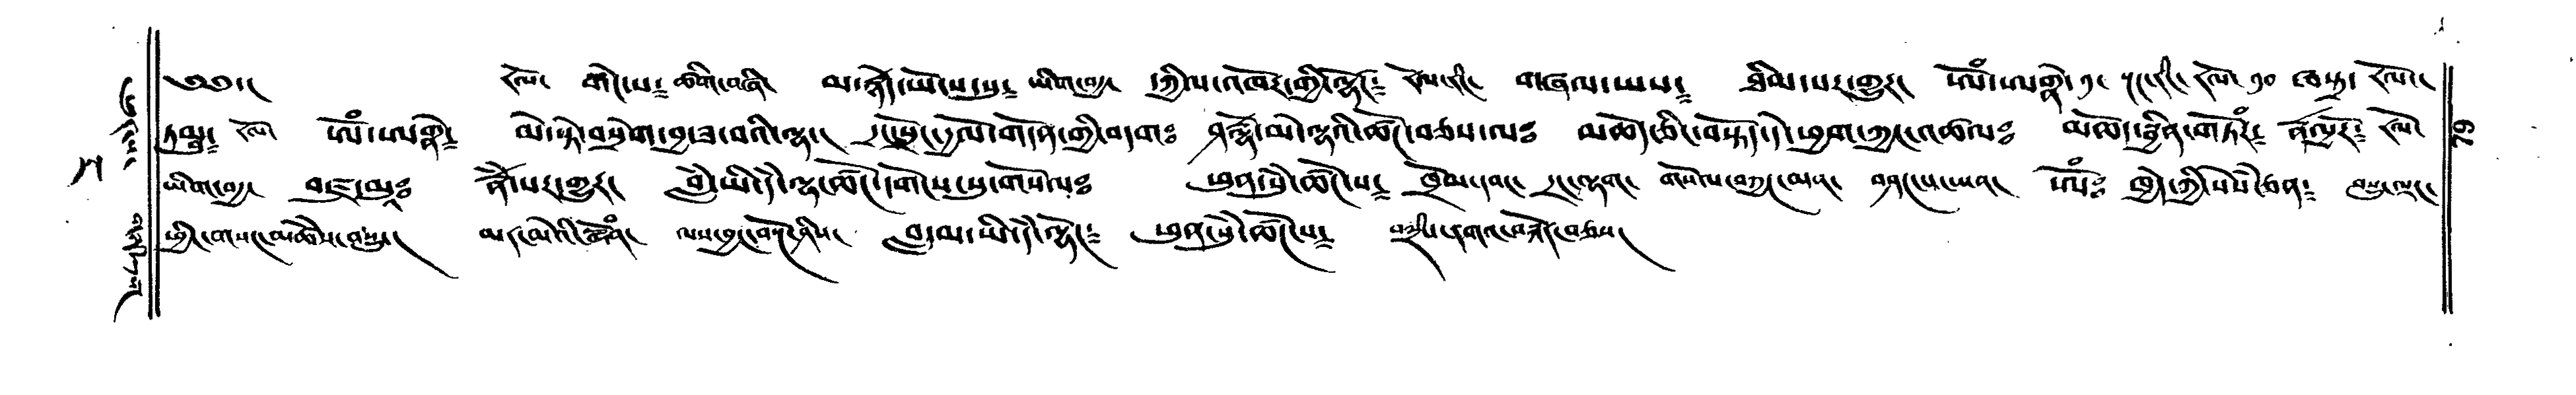རོལ། སྒེག་པ༴ ཚིག་བཞི། མ་རྙེད་ཡོངས་སུ༴ ཡིག་བརྒྱ། དཀྱིལ་འཁོར་གྱི་ལྷ་ཚོགས༴ རོལ་རིང་། གཞལ་ཡས༴ ཐིམ་པར་གྱུར། ཨོཾ་ཨགྣེ༴ ལེན་གཅིག སྔགས་རིང་། རོལ། ཝསྟྲ༴ རོལ། 
ཏམྦུ༴ རོལ། ཨོཾ་ཨགྣེ༴ མེ་སྟེ་བསྲེག་བྱ་ཟ་བའི་ལྷ། །དྲང་སྲོང་རྒྱལ་པོ་གདོན་གྱི་བདག །ཤར་ལྷོ་མེ་ལྷའི་ཚོགས་བཅས་ལ། །མཆོད་ཅིང་བསྟོད་དེ་ཕྱག་ཀྱང་འཚལ། །མཆོད་སྦྱིན་གཏོར་མ༴ རྣལ་འབྱོར༴ རོལ། 
ཡིག་བརྒྱ། བཛྲ་མུཿ རྣམ་པར་གྱུར། བླ་མ་ཡི་དམ་ལྷ་ཚོགས་དགོངས་སུ་གསོལཿ ཕུན་སུམ་ཚོགས་པ༴ ཁྲོམ་དབང་། དྲང་ལྷག གསོལ་བཀྱག་མན། བཤགས་པ་ཡན། ཨོཾཿ ཁྱོད་ཀྱི་སེམས་ཅན༴ བསྡུ་ལྡང་
ཕྱི་ནང་གསང་མཚམས་བསྡུ། མར་མེའི་སྨོན་ལམ། ལས་བྱང་བསྔོ་ཤིས། བླ་མ་ཡི་དམ་ལྷ་ཚོགས༴ ཕུན་སུམ་ཚོགས་པ༴ བཀྲ་ཤིས་དགའ་བསྐོར་བཅས།